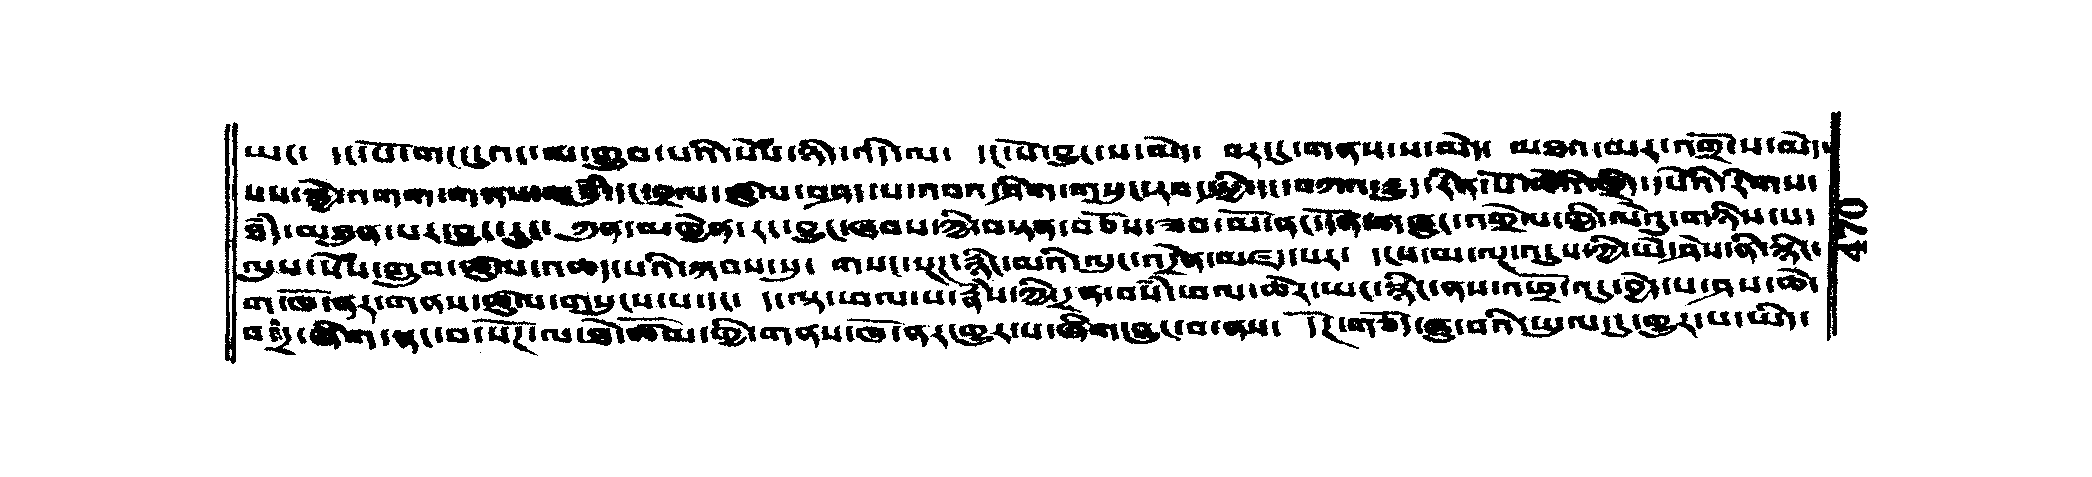ཡང་། དང་པོ་གང་དུའང་མ་གྲུབ་པའི་སེམས་ཉིད་འདི་ལ། དང་པོ་བྱུང་ས་མེད། བར་དུ་གནས་ས་མེད། མཐའ་མར་འགྲོ་ས་མེད་
པས་སྐྱེ་འགག་གནས་གསུམ་དང་བྲལ་ཚུལ་བཤད་པ་འབའ་ཤིག་གསུང་རབ་སྤྱི་དང་བཀའ་རྒྱུད་རིན་པོ་ཆེའི་ཁྲིད་དཔེའི་རིགས་
ཐམས་ཅད་མཐུན་པར་བྱུང་རུང་། ཀུན་མཁྱེན་རང་བྱུང་ཞབས་ཀྱི་བསྟན་བཅོས་ཟབ་མོ་ནང་དོན་གཞུང་འགྲེལ་གྱི་ལེའུ་གཉིས་པ་
ལུས་སེམས་གྲུབ་ཚུལ་འཆད་པའི་སྐབས་སུ། གསང་སྔགས་རྙིང་མའི་ལུང་འདྲེན་མཛད་པར། དྭངས་མ་ལྔ་འདུས་ཀྱི་ཡེ་ཤེས་ནི་སྙིང་
ག་ཁོ་ནར་གནས་ཚུལ་གསུངས་པ་དང་། ད་ལྟ་ཕལ་པ་རྣམས་ཀྱི་དྲན་བསམ་ཕལ་ཆེར་ཡང་སྙིང་ནས་འཕྲོ་འདུ་བྱེད་པ་ཤས་ཆེ་
བ་འདྲ་ཞིག་སྣང་བ་སོགས་ལ་ཐེ་ཚོམ་གྱི་གནས་ཁོ་ནར་གྱུར་པ་ཞིག་བྱུང་བ་ནས། དོགས་གཅོད་ཞུ་བའི་ཡུལ་དུ་གྱུར་པ་ཡིད་